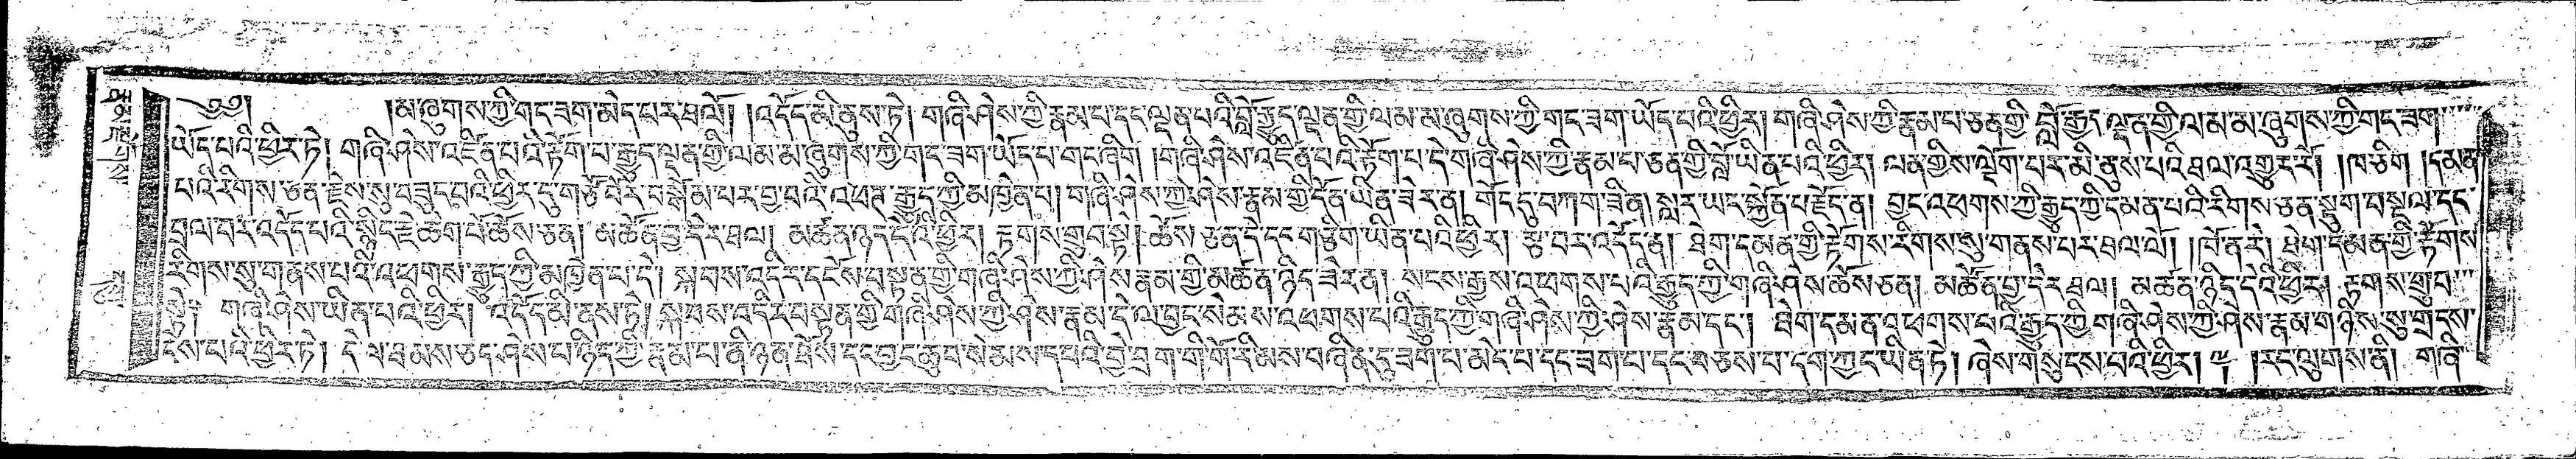༄༅། །མ་ཞུགས་ཀྱི་གང་ཟག་མེད་པར་ཐལ་ལོ། །འདོད་མི་ནུས་ཏེ། གཞི་ཤེས་ཀྱི་རྣམ་པ་དང་ལྡན་པའི་བློ་རྒྱུད་ལྡན་གྱི་ལམ་མ་ཞུགས་ཀྱི་གང་ཟག་ཡོད་པའི་ཕྱིར། གཞི་ཤེས་ཀྱི་རྣམ་པ་ཅན་གྱི་བློ་རྒྱུད་ལྡན་གྱི་ལམ་མ་ཞུགས་ཀྱི་གང་ཟག་
ཡོད་པའི་ཕྱིར་ཏེ། གཞི་ཤེས་འཛིན་པའི་རྟོག་པ་རྒྱུད་ལྡན་གྱི་ལམ་མ་ཞུགས་ཀྱི་གང་ཟག་ཡོད་པ་གང་ཞིག །གཞི་ཤེས་འཛིན་པའི་རྟོག་པ་དེ་གཞི་ཤེས་ཀྱི་རྣམ་པ་ཅན་གྱི་བློ་ཡིན་པའི་ཕྱིར། ལན་གྱིས་ལྡོག་པར་མི་ནུས་པའི་ཐལ་འགྱུར་རོ། །ཁ་ཅིག །དམན་
པའི་རིགས་ཅན་རྗེས་སུ་གཟུང་བའི་ཕྱིར་དུ་གཙོ་བོར་བསྒོམ་པར་བྱ་བའི་འཕགས་རྒྱུད་ཀྱི་མཁྱེན་པ། གཞི་ཤེས་ཀྱི་ཤེས་རྣམ་གྱི་དོན་ཡིན་ཟེར་ན། གོང་དུ་བཀག་ཟིན། སླར་ཡང་སྐྱོན་བརྗོད་ན། བྱང་འཕགས་ཀྱི་རྒྱུད་ཀྱི་དམན་པའི་རིགས་ཅན་སྡུག་བསྔལ་དང་
བྲལ་བར་འདོད་པའི་སྙིང་རྗེ་ཆེན་པོ་ཆོས་ཅན། མཚོན་བྱ་དེར་ཐལ། མཚན་ཉིད་དེའི་ཕྱིར། རྟགས་གྲུབ་སྟེ། ཆོས་ཅན་དེ་དང་གཅིག་ཡིན་པའི་ཕྱིར། རྩ་བར་འདོད་ན། ཐེག་དམན་གྱི་རྟོགས་རིགས་སུ་གནས་པར་ཐལ་ལོ། །ཁོ་ན་རེ། ཐེག་དམན་གྱི་རྟོགས་
རིགས་སུ་གནས་པའི་འཕགས་རྒྱུད་ཀྱི་མཁྱེན་པ་དེ། སྐབས་འདིར་དངོས་བསྟན་གྱི་གཞི་ཤེས་ཀྱི་ཤེས་རྣམ་གྱི་མཚན་ཉིད་ཟེར་ན། སངས་རྒྱས་འཕགས་པའི་རྒྱུད་ཀྱི་གཞི་ཤེས་ཆོས་ཅན། མཚོན་བྱ་དེར་ཐལ། མཚན་ཉིད་དེའི་ཕྱིར། རྟགས་གྲུབ་
སྟེ༑ གཞི་ཤེས་ཡིན་པའི་ཕྱིར། འདོད་མི་ནས་ཏེ། སྐབས་འདིར་བསྟན་གྱི་གཞི་ཤེས་ཀྱི་ཤེས་རྣམ་དེ་ལ་བྱང་སེམས་འཕགས་པའི་རྒྱུད་ཀྱི་གཞི་ཤེས་ཀྱི་ཤེས་རྣམ་དང་། ཐེག་དམན་འཕགས་པའི་རྒྱུད་ཀྱི་གཞི་ཤེས་ཀྱི་ཤེས་རྣམ་གཉིས་སུ་གྲངས་
ངེས་པའི་ཕྱིར། ཏེ། དེ་ལ་ཐམས་ཅད་ཤེས་པ་ཉིད་ཀྱི་རྣམ་པ་ནི་ཉན་ཐོས་དང་བྱང་ཆུབ་སེམས་དཔའི་བྱ་བྲག་གི་གོ་རིམ་བཞིན་དུ་ཟག་པ་མེད་པ་དང་ཟག་པ་དང་བཅས་པ་དག་ཀྱང་ཡིན་ཏེ། ཞེས་གསུངས་པའི་ཕྱིར། ༈ །རང་ལུགས་ནི། གཞི་